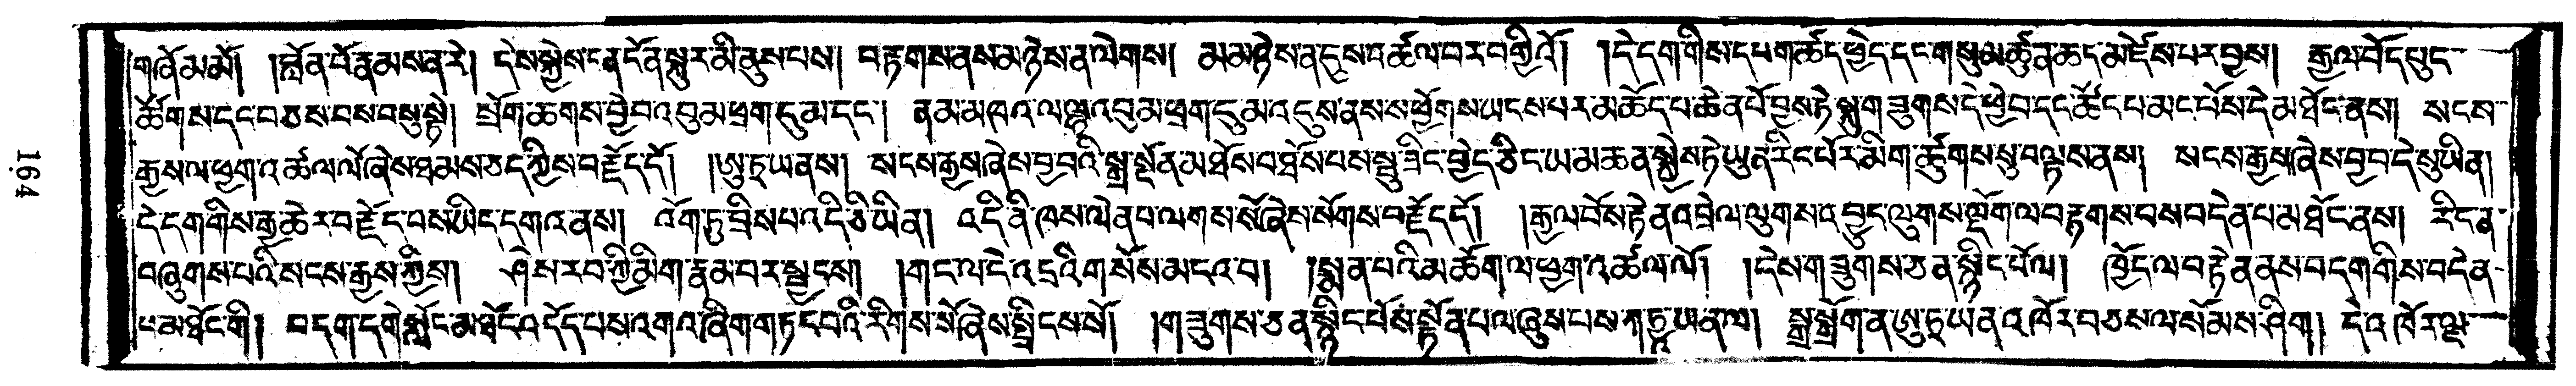གཞོམ་མོ། །བློན་པོ་རྣམས་ན་རེ། དེས་སྐྱེས་ངན་ངོན་སྐུར་མི་ནུས་པས། བརྟགས་ནས་མཉེས་ན་ལེགས། མ་མཉེས་ན་དུས་འཚལ་བར་བགྱིའོ། །དེ་དག་གིས་དཔག་ཚད་ཕྱེད་དང་གསུམ་ཚུན་ཆད་མཛེས་པར་བྱས། རྒྱལ་པོ་དཔུང་
ཚོགས་དང་བཅས་བས་བསུ་སྟེ། སྲོག་ཆགས་བྱེ་བ་འབུམ་ཕྲག་དུ་མ་དང་། ནམ་མཁའ་ལ་ལྷ་འབུམ་ཕྲག་དུ་མ་འདུས་ནས་ས་ཕྱོགས་ཡངས་པར་མཆོད་པ་ཆེན་པོ་བྱས་ཏེ་སྐུ་གཟུགས་དེ་ཕྱེ་བ་དང་ཚོང་པ་མང་པོས་དེ་མཐོང་ནས། སངས་
རྒྱས་ལ་ཕྱག་འཚལ་ལོ་ཞེས་ཐམས་ཅད་ཀྱིས་བརྗོད་དོ། །ཨུ་ཏྲ་ཡ་ནས། སངས་རྒྱས་ཞེས་བྱ་བའི་སྒྲ་སྔོན་མཐོས་པ་ཐོས་པས་སྦུ་ཟིང་བྱེད་ཅིང་ཡ་མཆན་སྐྱེས་ཏེ་ཡུན་རིང་པོར་མིག་ཚུགས་སུ་བལྟས་ནས། སངས་རྒྱས་ཞེས་བྱ་བ་དེ་སུ་ཡིན།
དེ་དག་གིས་རྒྱ་ཆེར་བརྗོད་པས་ཡིད་དགའ་ནས། འོག་ཏུ་བྲིས་པ་འདི་ཅི་ཡིན། འདི་ནི་ཁས་ལེན་པ་ལགས་སོ་ཞེས་སོགས་བརྗོད་དོ། །རྒྱལ་པོས་རྟེན་འབྲེལ་ལུགས་འབྱུང་ལུགས་ལྡོག་ལ་བརྟགས་པས་བདེན་པ་མཐོང་ནས། རིང་ན་
བཞུགས་པའི་སངས་རྒྱས་ཀྱིས། ཤེས་རབ་ཀྱི་མིག་རྣམ་པར་སྦྱངས། །གང་ལ་དེ་འདྲའི་གསོས་མངའ་བ། །སྨན་པའི་མཆོག་ལ་ཕྱག་འཚལ་ལོ། །དེས་གཟུགས་ཅན་སྙིང་པོ་ལ། ཁྱོད་ལ་བརྟེན་ནས་བདག་གིས་བདེན་
པ་མཐོང་གི། བདག་དགེ་སློང་མཐོང་འདོད་པས་འགའ་ཞིག་གཏང་བའི་རིགས་སོ་ཞེས་སྤྲིངས་སོ། །གཟུགས་ཅན་སྙིང་པོས་སྟོན་པ་ལ་ཞུས་པས་ཀ་ཏྱཱ་ཡ་ནལ། སྒྲ་སྒྲོག་ན་ཨུ་ཏྲ་ཡན་འཁོར་བཅས་ལ་སོམས་ཤིག། དེ་འཁོར་ལྔ་